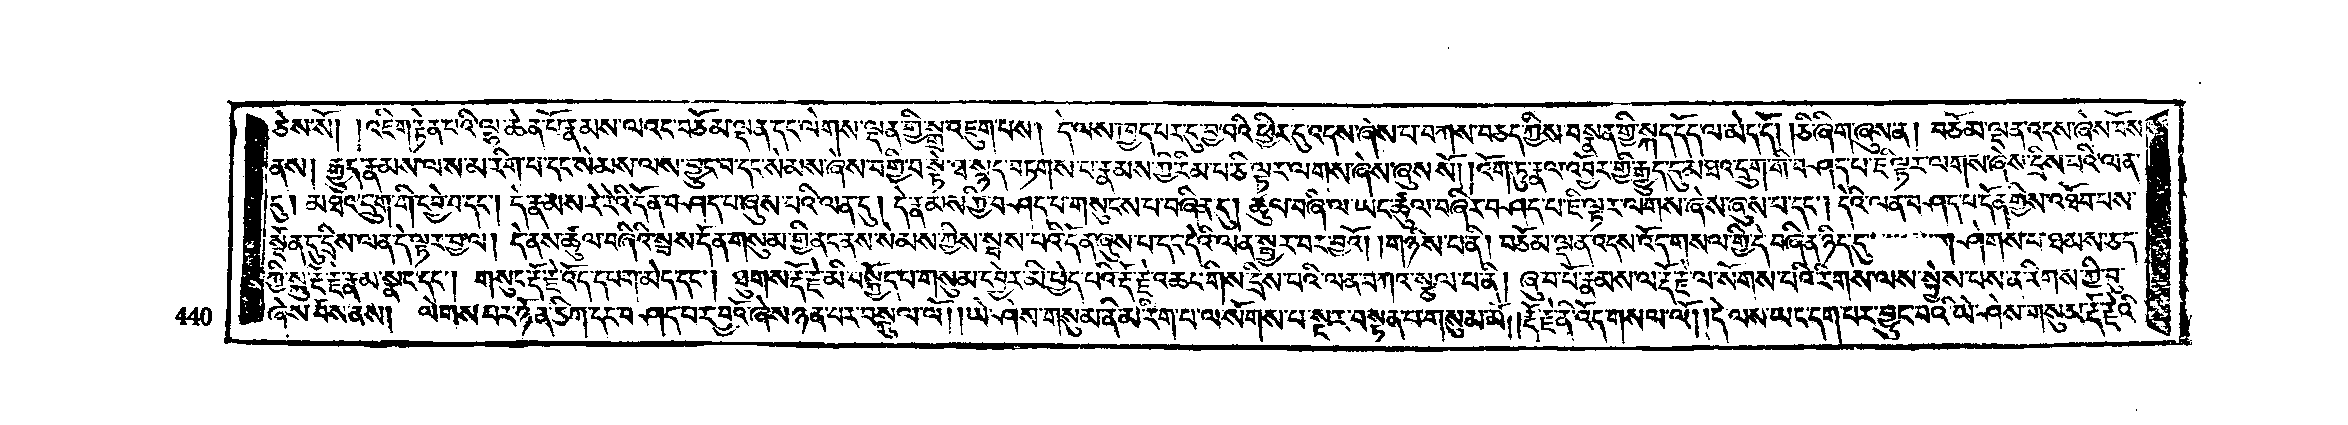ཅེས་སོ། །འཇིག་རྟེན་པའི་ལྷ་ཆེན་པོ་རྣམས་ལའང་བཅོམ་ལྡན་དང་ལེགས་ལྡན་གྱི་སྒྲ་འཇུག་པས། དེ་ལས་ཁྱད་པར་དུ་བྱ་བའི་ཕྱིར་དུ་འདས་ཞེས་པ་བཀས་བཅད་ཀྱིས་བསྣན་གྱི་སྐད་དོད་ལ་མེད་དོ། །ཅི་ཞིག་ཞུས་ན། བཅོམ་ལྡན་འདས་ཞེས་བོས་
ནས། རྒྱུད་རྣམས་ལས་མ་རིག་པ་དང་སེམས་ལས་བྱུང་བ་དང་སེམས་ཞེས་བགྱི་བ་སྟེ་ཐ་སྙད་བཏགས་པ་རྣམས་ཀྱི་རིམ་པ་ཅི་ལྟར་ལགས་ཞེས་ཞུས་སོ། །འོག་ཏུ་རྣལ་འབྱོར་གྱི་རྒྱུད་དུ་མཐའ་དྲུག་གི་བཤད་པ་ཇི་ལྟར་ལགས་ཞེས་དྲིས་པའི་ལན་
དུ། མཐའ་དྲུག་གི་དབྱེ་བ་དང་། དེ་རྣམས་རེ་རེའི་དོན་བཤད་པ་ཞུས་པའི་ལན་དུ། དེ་རྣམས་ཀྱི་བཤད་པ་གསུངས་པ་བཞིན་དུ། ཚུལ་བཞི་ལ་ཡང་ཚུལ་བཞིར་བཤད་པ་ཇི་ལྟར་ལགས་ཞེས་ཞུས་པ་དང་། དེའི་ལན་བཤད་པ་དོན་གྱིས་འཐོབ་པས་
སྔོན་དུ་དྲིས་ལན་དེ་ལྟར་བྱ་ལ། དེ་ནས་ཚུལ་བཞིའི་སྦས་དོན་གསུམ་གྱི་ནང་ནས་སེམས་ཀྱིས་སྦས་པའི་དོན་ཞུས་པ་དང་དེའི་ལན་སྦྱར་བར་བྱའོ། །གཉིས་པ་ནི། བཅོམ་ལྡན་འདས་འོད་གསལ་གྱི་དེ་བཞིན་ཉིད་དུ་གཤེགས་པ་ཐམས་ཅད་
ཀྱི་སྐུ་རྡོ་རྗེ་རྣམ་སྣང་དང་། གསུང་རྡོ་རྗེ་འོད་དཔག་མེད་དང་། ཐུགས་རྡོ་རྗེ་མི་བསྐྱོད་པ་གསུམ་དབྱེར་མི་ཕྱེད་པའི་རྡོ་རྗེ་འཆང་གིས་དྲིས་པའི་ལན་བཀའ་སྩལ་པ་ནི། ཞུ་བ་པོ་རྣམས་ལ་རྡོ་རྗེ་ལ་སོགས་པའི་རིགས་ལས་སྐྱེས་པས་ན་རིགས་ཀྱི་བུ་
ཞེས་བས་ནས། ལེགས་པར་ཉོན་ཅིག་དང་བཤད་པར་བྱའོ་ཞེས་ཉན་པར་བསྐུལ་ལོ། །ཡེ་ཤེས་གསུམ་ནི་མ་རིག་པ་ལ་སོགས་པ་སྔར་བསྟན་པ་གསུམ་མོ། །རྡོ་རྗེ་ནི་འོད་གསལ་ལོ། །དེ་ལས་ཡང་དག་པར་བྱུང་བའི་ཡེ་ཤེས་གསུམ་རྡོ་རྗེའི་